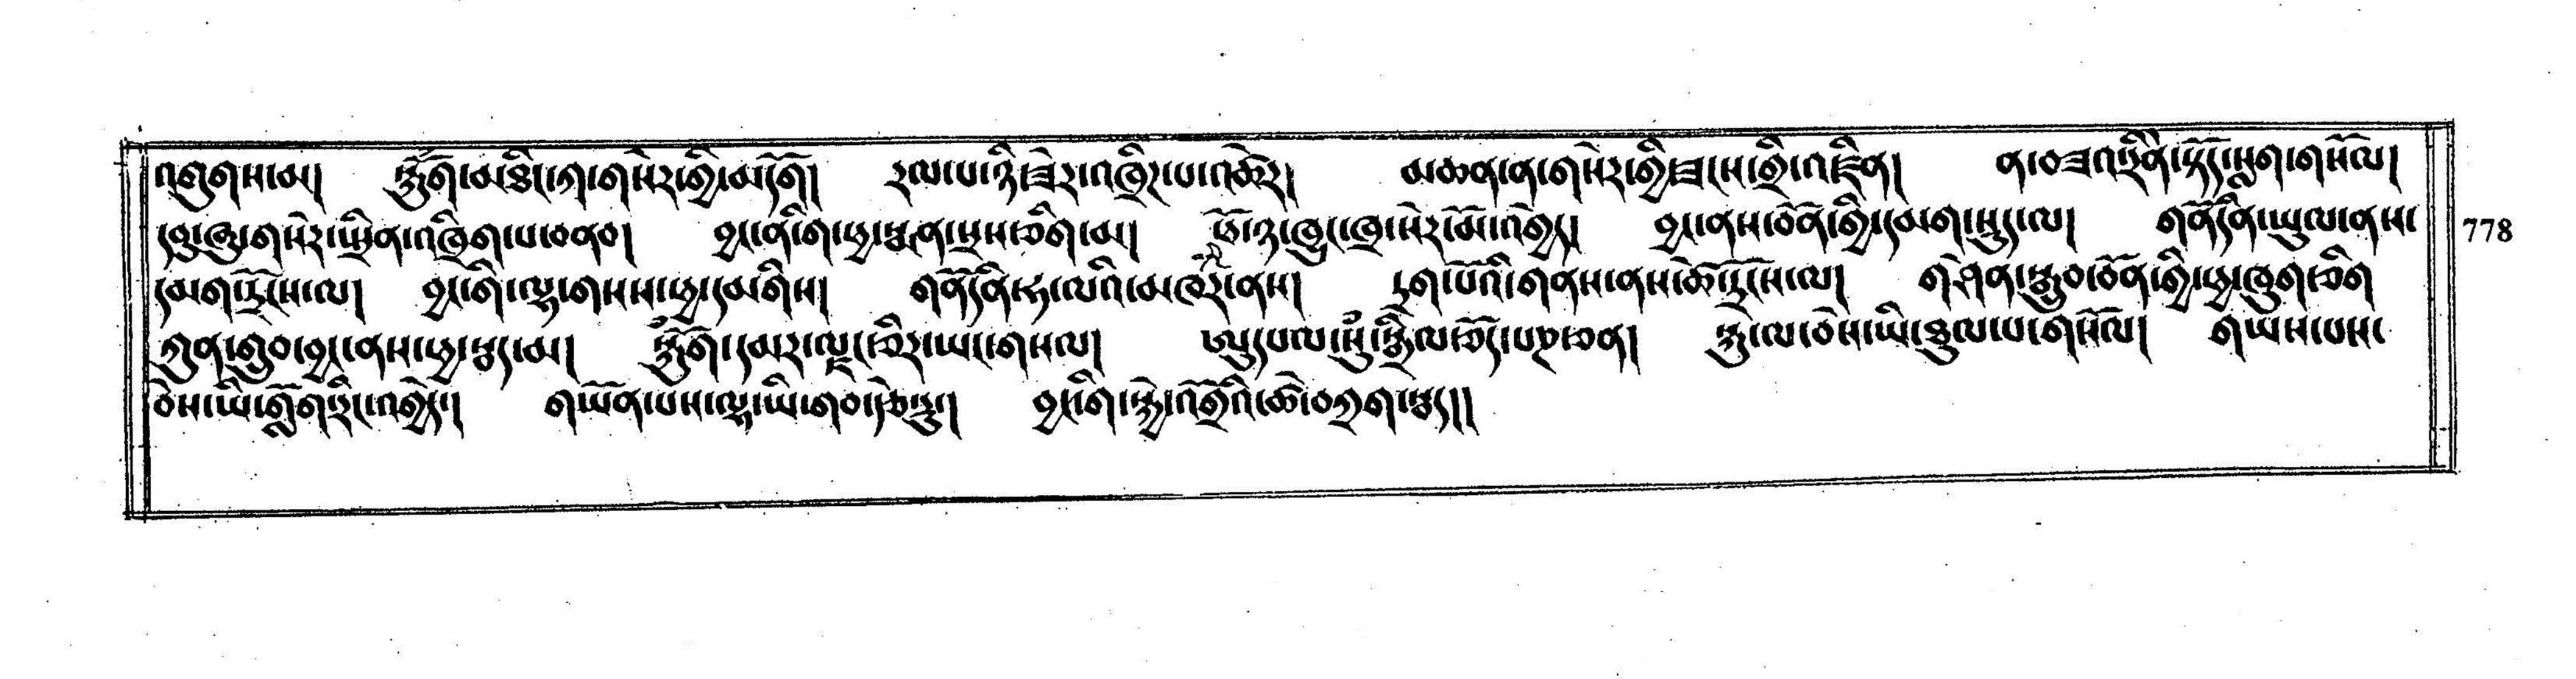འགུགས་མ། སྐུ་མདོག་མཐིང་ཀ་གསེར་གྱི་མདོག རལ་པ་ཉི་ཟེར་འཁྲིགས་པ་འཚེར། མཆན་ན་གསེར་གྱི་ཟངས་གྲི་འཛིན། ན་བཟའ་རིན་ཆེན་སྟོད་སླག་གསོལ། 
དབུ་ཞུ་གསེར་སྤྲིན་འཁྲིག་པ་བནབ། བྱང་གི་ཕྱ་སྨན་སྲས་ཅིག་མ། ཕོ་ཉ་ཁྱུང་ཁྲ་སེར་མོ་འགྱེད། བྱང་ནས་བོན་གྱི་དམག་སྡུད་ལ། གནོད་སྦྱིན་ཡུལ་ནས་
དམག་དྲོངས་ལ། བྱང་གི་ལྷ་གསས་ཕྱ་དམག་གིས། གནོད་སྦྱིན་ཧ་ལའི་མཁར་བཤིགས་ནས། དྲག་པོའི་གནས་ནས་ཚེ་དྲོངས་ལ། གཤེན་སྒྲུབ་བོན་གྱི་ཕྱ་ཁུག་ཅིག 
ཀུན་གྲུབ་བྱང་ནས་ཕྱ་སྦད་མ། སྐུ་མདོག་དམར་ལྗང་ཅིར་ཡང་གསལ། ཨུད་དཔལ་སུམ་སྒྲིལ་ཅོད་པན་ཅན། སྐུ་ལ་བསེ་ཡི་ཐུལ་པ་གསོལ། གཡས་པས་
བསེ་ཡི་གློག་རིང་འགྱེད། གཡོན་པས་ལྷ་ཡི་གབ་རྩེ་རུ། བྱང་གི་སྐྱེ་འགྲོའི་ཚེ་བཀྲག་སྦད།།